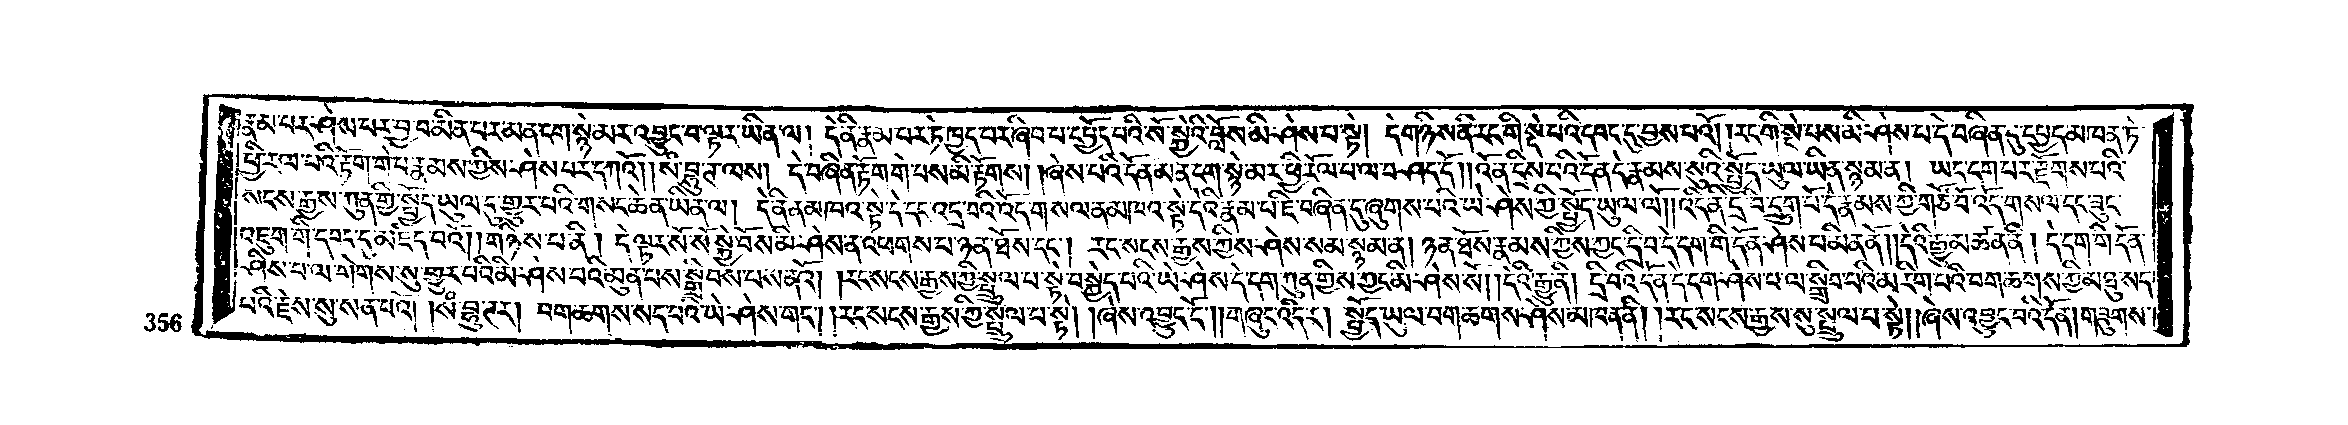རྣམ་པར་ཤེས་པར་བྱ་བ་མིན་པར་མན་ངག་སྙེ་མར་འབྱུང་བ་ལྟར་ཡིན་ལ། དེ་ནི་རྣམ་པར་ཏེ་ཁྱད་པར་ཞིབ་པ་དཔྱོད་པའི་སོ་སྐྱེའི་བློས་མི་ཤེས་པ་སྟེ། དེ་གཉིས་ནི་རང་གི་སྡེ་པའི་དབང་དུ་བྱས་པའོ། །རང་གི་སྡེ་པས་མི་ཤེས་པ་དེ་བཞིན་དུ་དཔྱད་མཁན་ཏེ་
ཕྱི་རོལ་པའི་རྟོག་གེ་པ་རྣམས་ཀྱིས་ཤེས་པར་དཀའོ། །སཾ་བྷུ་ཊ་ལས། དེ་བཞིན་རྟོག་གེ་པས་མི་རྟོགས། །ཞེས་པའི་དོན་མན་ངག་སྙེ་མར་ཕྱི་རོལ་པ་ལ་བཤད་དོ། །འོ་ན་དྲིས་པའི་དོན་དེ་རྣམས་སུའི་སྤྱོད་ཡུལ་ཡིན་སྙམ་ན། ཡང་དག་པར་རྫོགས་པའི་
སངས་རྒྱས་ཀུན་གྱི་སྤྱོད་ཡུལ་དུ་གྱུར་པའི་གསང་ཆེན་ཡིན་ལ། དེ་ནི་ནམ་མཁའ་སྟེ་དེ་དང་འདྲ་བའི་འོད་གསལ་ནམ་མཁའ་སྟེ་དེའི་རྣམ་པ་ཇི་བཞིན་དུ་ཞུགས་པའི་ཡེ་ཤེས་ཀྱི་སྤྱོད་ཡུལ་ལོ། །འདི་ནི་དྲི་བ་དྲུག་པོ་དེ་རྣམས་ཀྱི་གཙོ་བོ་འོད་གསལ་དང་ཟུང་
འཇུག་གི་དབང་དུ་མཛད་པའོ། །གཉིས་པ་ནི། དེ་ལྟར་སོ་སོ་སྐྱེ་བོས་མི་ཤེས་ན་འཕགས་པ་ཉན་ཐོས་དང་། རང་སངས་རྒྱས་ཀྱིས་ཤེས་སམ་སྙམ་ན། ཉན་ཐོས་རྣམས་ཀྱིས་ཀྱང་དྲི་བ་དེ་དག་གི་དོན་ཤེས་པ་མིན་ནོ། །དེའི་རྒྱུ་མཚན་ནི། དེ་དག་གི་དོན་
ཤེས་པ་ལ་གོགས་སུ་གྱུར་པའི་མི་ཤེས་པའི་མུན་པས་སྒྲིབས་པས་ནའོ། །རང་སངས་རྒྱས་ཀྱི་སྤྲུལ་པ་སྟེ་བསྐྱེད་པའི་ཡེ་ཤེས་དེ་དག་ཀུན་གྱིས་ཀྱང་མི་ཤེས་སོ། །དེའི་རྒྱུ་ནི། དྲི་བའི་དོན་དེ་དག་ཤེས་པ་ལ་སྒྲིབ་པའི་མ་རིག་པའི་བག་ཆགས་ཀྱི་མཐུ་སད་
པའི་རྗེས་སུ་སོན་པའོ། །སཾ་བྷུ་ཊར། བག་ཆགས་སད་པའི་ཡེ་ཤེས་གང་། །རང་སངས་རྒྱས་ཀྱི་སྤྲུལ་པ་སྟེ། །ཞེས་འབྱུང་ངོ། །གཞུང་འདིར། སྤྱོད་ཡུལ་བག་ཆགས་ཤེས་མཁན་ནི། །རང་སངས་རྒྱས་སུ་སྤྲུལ་པ་སྟེ། །ཞེས་འབྱུང་བའི་དོན། གཟུགས།